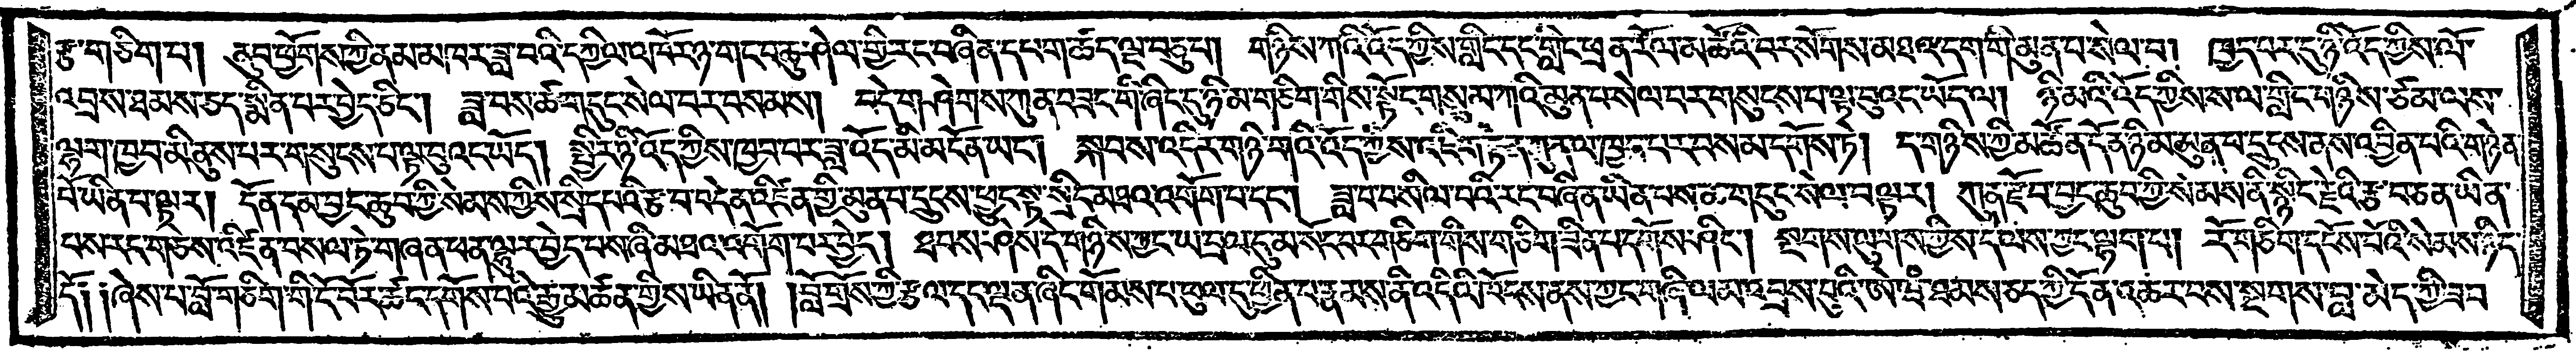རྩ་གཅིག་པ། ནུབ་ཕྱོགས་ཀྱི་ནམ་མཁར་ཟླ་བའི་དཀྱིལ་འཁོར་ཉ་གང་བྖུ་ཤེལ་གྱི་རང་བཞིན་དཔག་ཚད་ལྔ་བཅུ་པ། གཉིས་ཀའི་འོད་ཀྱིས་གླིང་དང་གླིང་ཕྲན་རོལ་མཚོའི་བར་སོགས་མཐའ་དག་གི་མུན་པ་སེལ་བ། ཁྱད་པར་དུ་ཉི་འོད་ཀྱིས་ལོ་
འབྲས་ཐམས་ཅད་སྨིན་པར་བྱེད་ཅིང་། ཟླ་བས་ཚ་གདུང་སེལ་བར་བསམས། བདེ་གཤེགས་ཀུན་བཟང་གི་ཞིང་དུ་ཉི་མ་གཅིག་གིས་སྟོང་གསུམ་ཀའི་མུན་པ་སེལ་པར་གསུངས་པ་ལྟ་བུའང་ཡོད་ལ། ཉི་མའི་འོད་ཀྱིས་སལ་གླིང་གཉིས་ཙམ་ལས་
ལྷག་ཁྱབ་མི་ནུས་པར་གསུངས་པ་ལྟ་བུའང་ཡོད། སྤྱིར་ཉི་འོད་ཀྱིས་ཁྱབ་པར་ཟླ་འོད་མི་མངོན་ཡང་། སྐབས་འདིར་གཉི་གའི་འོད་ཀྱིས་འཇིག་རྟེན་ཀུན་ལ་ཁྱབ་པར་བསམ་དགོས་ཏེ། ད་གཉིས་ཀྱི་མཚོན་དོན་ཉི་མ་མུན་པ་དྲུངས་ནས་འབྱིན་པའི་གཉེན་
པོ་ཡིན་པ་ལྟར། དོན་དམ་བྱང་ཆུབ་ཀྱི་སེམས་ཀྱིས་སྲིད་བའི་རྩ་བ་བདེན་འཛིན་གྱི་མུན་པ་དྲུངས་ཕྱུང་སྟེ་སྲིད་མཐའ་འགོག་པ་དང་། ཟླ་བ་བསིལ་བའི་རང་བཞིན་ཡིན་པས་ཆ་གདུང་སལ་བ་ལྟར། ཀུན་རྫོབ་བྱང་ཆུབ་ཀྱི་སེམས་ནི་སྙིང་རྗེའི་རྩ་བ་ཅན་ཡིན་
པས་རང་གཅེས་འཛིན་བསལ་ཏེ་གཞན་ཕན་ལྷུར་བྱེད་པས་ཞི་མཐའ་འགོག་པར་བྱེད། ཐབས་ཤེས་དེ་གཉིས་ཀྱང་ཡ་བྲལ་དུ་མ་སོང་བར་གཅིག་གིས་གཅིག་ཟིན་པ་དགོས་ཤིང་། སྔགས་ལུགས་ཀྱི་ས་དེ་ལས་ཀྱང་ལྷག་པ། རོ་གཅིག་དངོས་པོའི་སེམས་ཉིད་
དོ༑ ༑ཞེས་པ་བློ་གཅིག་གི་ངོ་བོར་ཚང་དགོས་པའི་རྒྱུ་མཚན་གྱིས་ཡིན་ནོ། །བློ་གྲོས་ཀྱི་རྩལ་དང་ལྡན་ཞིང་གོམས་པ་ཕུལ་དུ་ཕྱིན་པ་རྣམས་ནི་འདིའི་ཁོངས་ནས་ཀྱང་གཞི་ལམ་འབྲས་བུའི་ཨེ་ཝཾ་ཐམས་ཅད་ཀྱི་དོན་འཆར་བས་སྔགས་བླ་མེད་ཀྱི་ཟབ་